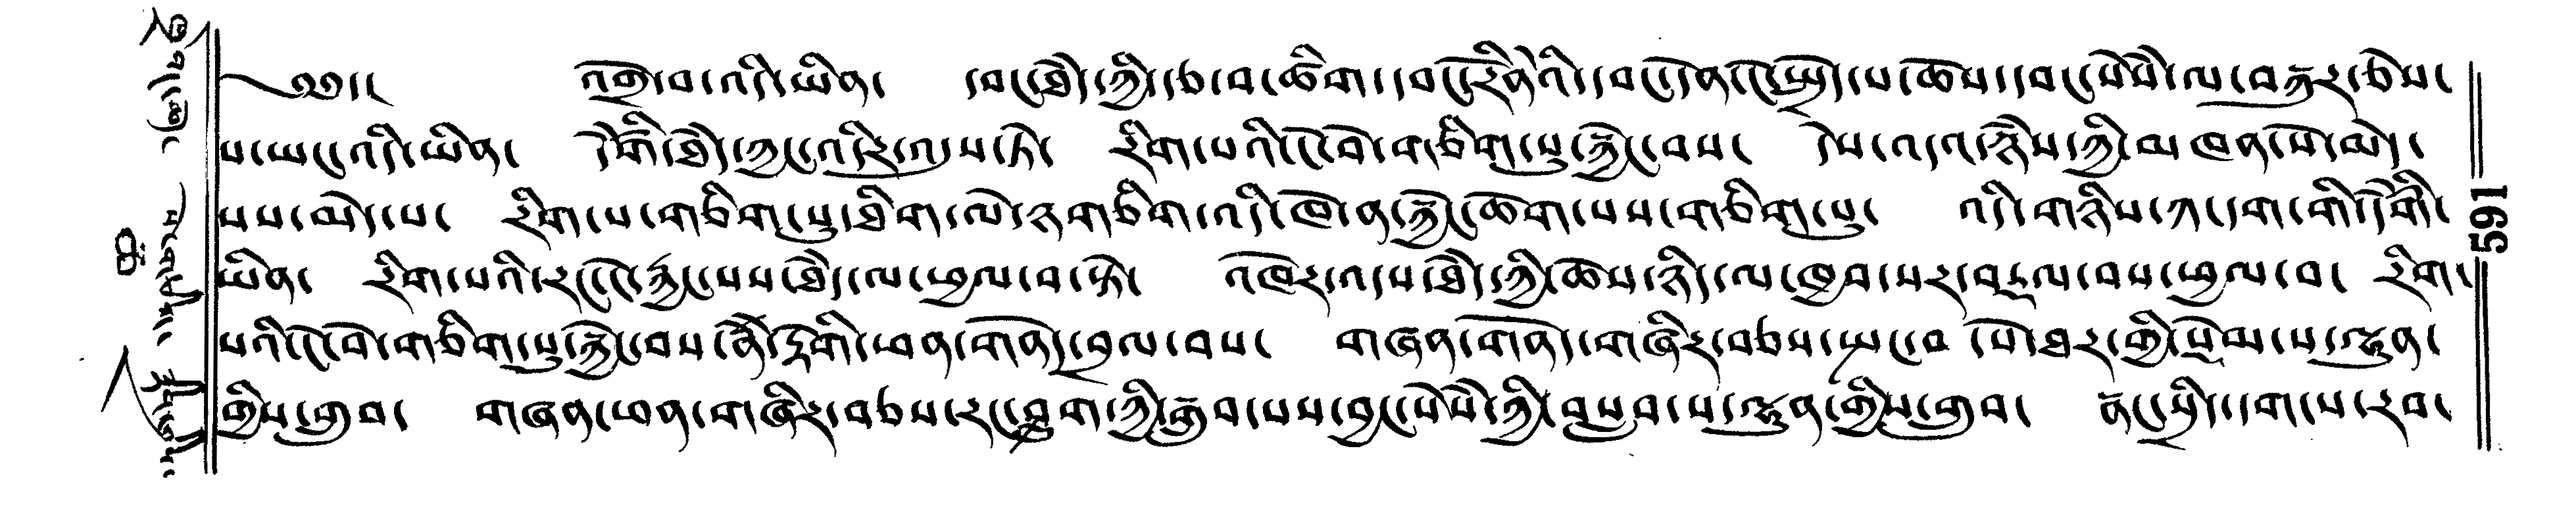འགྲོ་བ་འདི་ཡིན། དབང་ཐམས་ཅད་ཀྱི་རྩ་བ་ཚིག་དབང་རིན་པོ་ཆེའི་དབང་དོན་ངོ་སྤྲོད་པ་ཆོས་དབང་སེམས་ལ་བསྐུར་ཅེས་
པ་ཡང་འདི་ཡིན། དམ་ཚིག་ཐམས་ཅད་ཀྱང་འདིར་འདུས་ཏེ། རིག་པའི་ངོ་བོ་གཅིག་པུ་སྐྱོང་བ་དེར་འདས་ཉམས་ཀྱི་མཁན་པོ་མེད་
པས་མེད་པ།རིག་པ་གཅིག་པུ་ཐིག་ལེ་ཉག་གཅིག་འདི་ཁོ་ན་བསྐྱོང་ཆོག་པས་གཅིག་པུ། འདི་གཉིས་ཀ་དག་གི་དམ་ཚིག་
ཡིན། རིག་པའི་རང་ངོ་རྐྱང་པས་ཐམས་ཅད་ལ་ཕྱལ་བ་སྟེ། འཁོར་འདས་ཐམས་ཅད་ཀྱི་ཆོས་ཉིད་ལ་ཁྱབ་པར་བརྡལ་བས་ཕྱལ་བ། རིག་
པའི་ངོ་བོ་གཅིག་པུ་སྐྱོང་བ་ལ་རྣམ་རྟོག་གི་ཕན་གནོད་བྲལ་བས་གཞན་གནོད་གཞིར་བཅས་སྤོང་བ་སོ་ཐར་གྱི་སྡོམ་པ་ལྷུན་
གྱིས་གྲུབ། གཞན་ཕན་གཞིར་བཅས་རང་ཤུགས་ཀྱི་འགྲུབ་པས་བྱང་སེམས་ཀྱི་བསླབ་པ་ལྷུན་གྱིས་གྲུབ། སྣང་སྲིད་དག་པ་རབ་